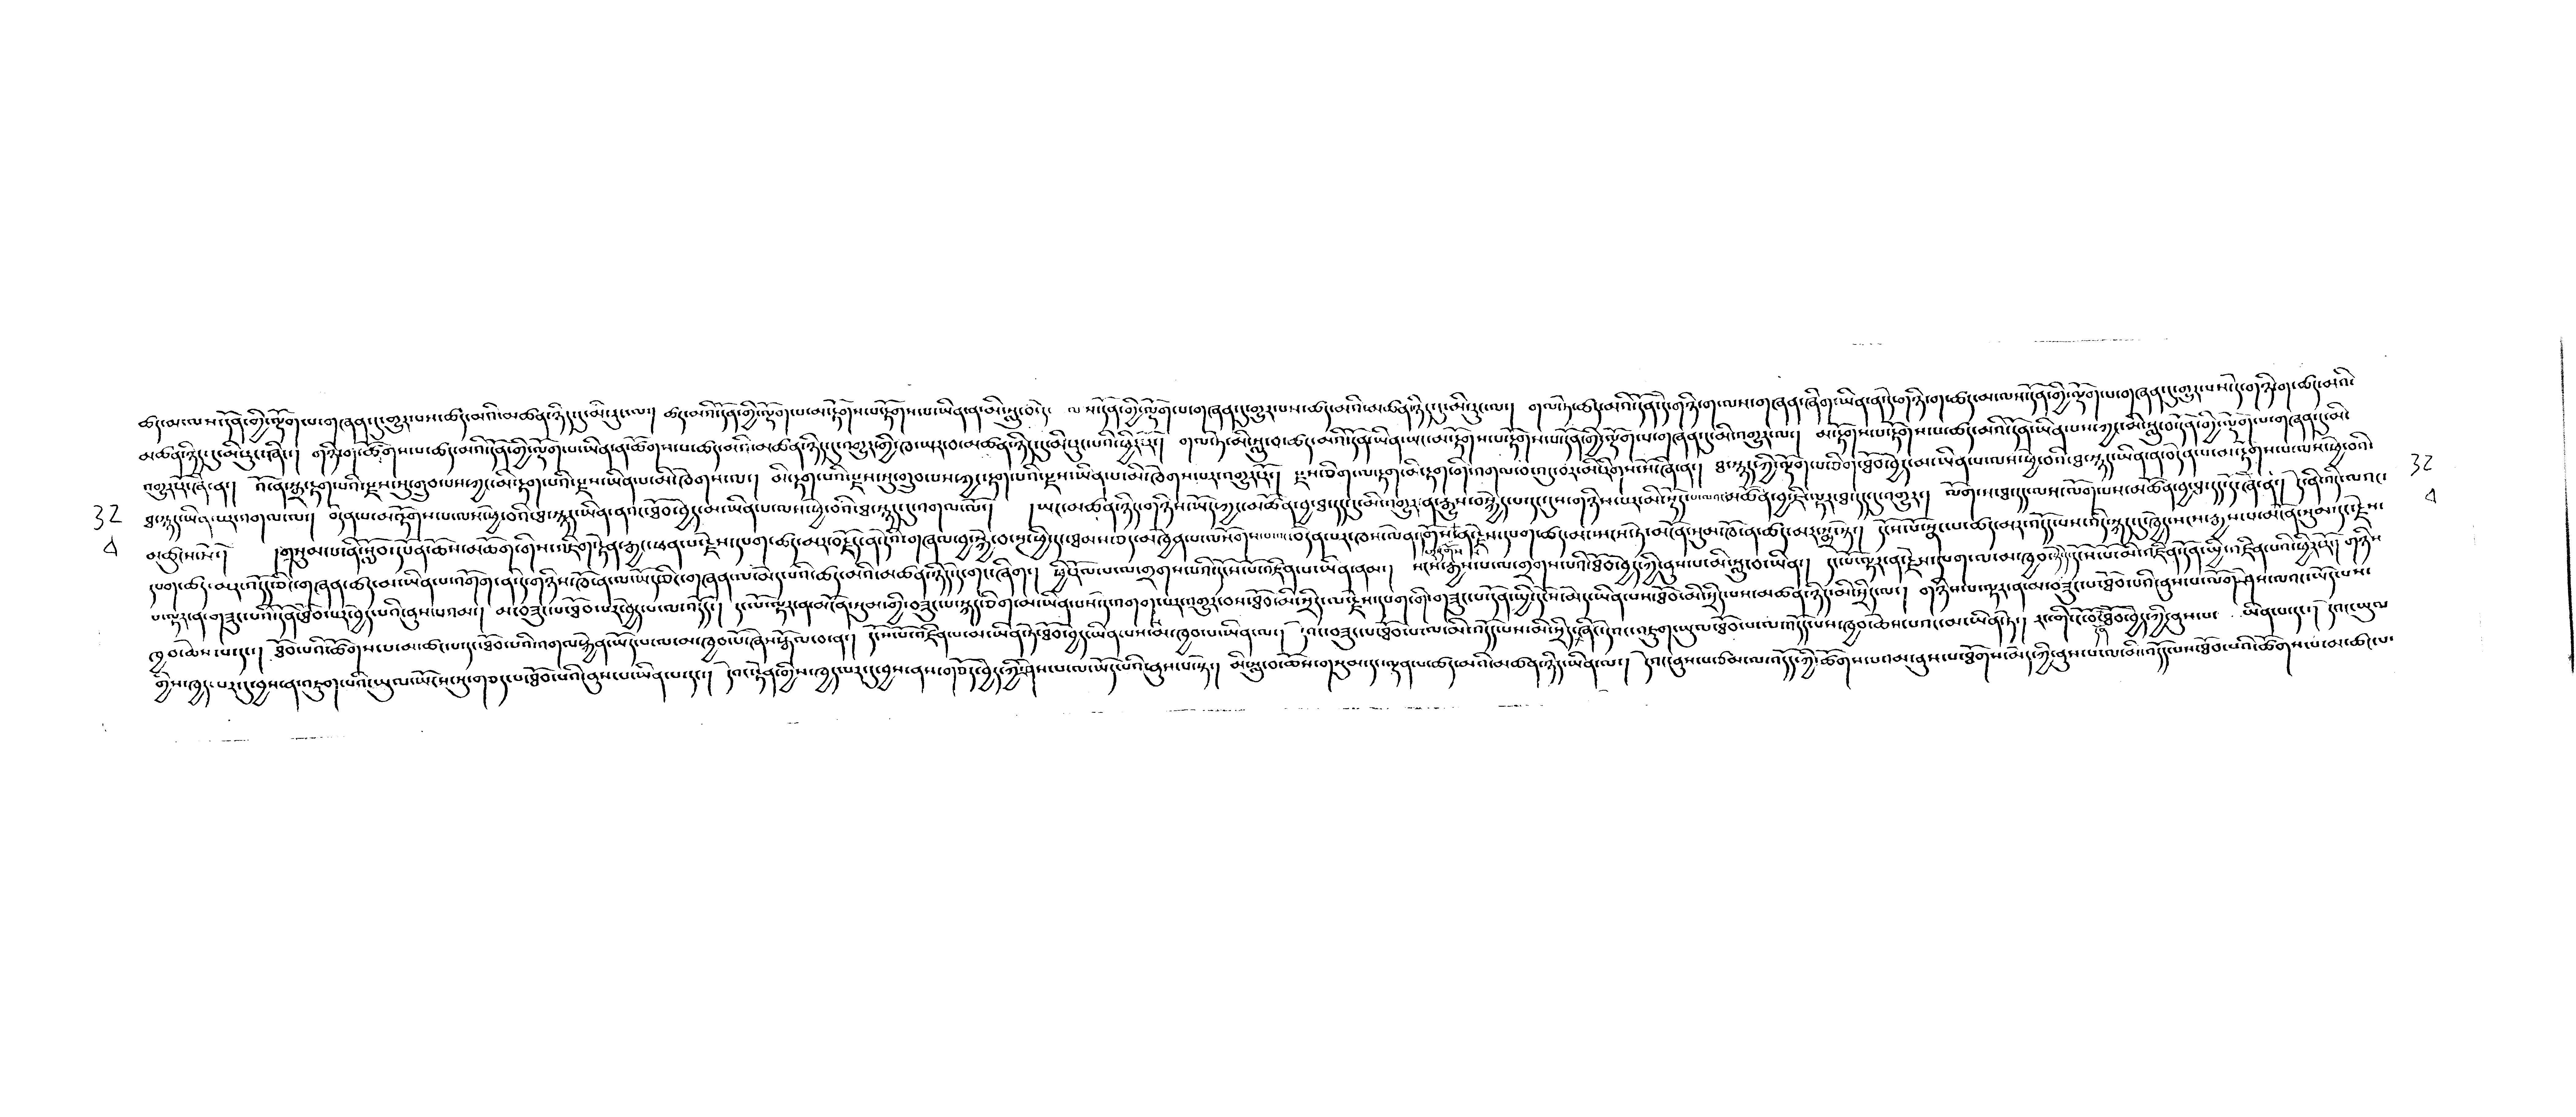ཚད་མ་ལས་དོན་གྱི་ལྡོག་པ་གཞན་དུ་གྱུར་པས་ཚད་མའི་མཚན་ཉིད་དུ་མི་རུང་ལ། ཚད་མའི་དོན་གྱི་ལྡོག་པ་མ་རྟོགས་པ་རྟོགས་པ་ཡིན་ན་མི་སླུ་བ་དེ་ལས་དོན་གྱི་ལྡོག་པ་གཞན་དུ་གྱུར་པས་ཚད་མའི་མཚན་ཉིད་དུ་མི་རུང་ལ། གལ་ཏེ་ཚད་མའི་དོན་དེ་གཉི་ག་ལས་གཞན་ཞིག་ཡིན་ན་དེ་གཉི་ག་ཚད་མ་ལས་དོན་གྱི་ལྡོག་པ་གཞན་དུ་གྱུར་པས་དེ་གཉི་ག་ཚད་མའི་
མཚན་ཉིད་དུ་མི་རུང་ཞིང་། གཉི་ག་ཚོགས་པ་ཚད་མའི་དོན་གྱི་ལྡོག་པ་ཡིན་ན་ཚོགས་པ་ཚད་མའི་མཚན་ཉིད་དུ་འགྱུར་གྱི་ཁ་ཡར་བ་མཚན་ཉིད་དུ་མི་རུང་པའི་ཕྱིར་རོ། གལ་ཏེ་མི་སླུ་བ་ཚད་མའི་དོན་ཡིན་ཡང་མ་རྟོགས་པ་རྟོགས་པ་དོན་གྱི་ལྡོག་པ་གཞན་དུ་མི་འགྱུར་ལ། མ་རྟོགས་པ་རྟོགས་པ་ཚད་མའི་དོན་ཡིན་པས་ཀྱང་མི་སླུ་བ་དོན་གྱི་ལྡོག་པ་གཞན་དུ་མི་
འགྱུར་རོ་ཞེ་ན། འོ་ན་སྒྲ་རྟག་པའི་རྫས་སུ་གྲུབ་པས་ཀྱང་མི་རྟག་པའི་རྫས་ཡིན་པ་མི་ཁེགས་ལ། མི་རྟག་པའི་རྫས་སུ་གྲུབ་པས་ཀྱང་རྟག་པའི་རྫས་ཡིན་པ་མི་ཁེགས་པར་འགྱུར་རོ། རྫས་ཅིག་ལ་རྟག་མི་རྟག་གི་འགལ་བ་འདུ་བར་མི་རིགས་སོ་ཞེ་ན། ཐ་སྙད་ཀྱི་ལྡོག་པ་ཅིག་ཐོབ་བྱེད་མ་ཡིན་པ་ལས་ཕྱེ་བའི་ཐ་སྙད་ཡིན་ན་བདེན་པ་མ་རྟོགས་པ་ལས་ཕྱེ་བའི་
ཐ་སྙད་ཡིན་པར་འགལ་ལ། བདེན་པ་མ་རྟོགས་པ་ལས་ཕྱེ་བའི་ཐ་སྙད་ཡིན་ནའང་ཐོབ་བྱེད་མ་ཡིན་པ་ལས་ཕྱེ་བའི་ཐ་སྙད་དུ་འགལ་ལོ། །ཡང་མཚན་ཉིད་གཉིས་ཡོད་ཀྱང་མཚོན་བྱ་ཐ་དད་དུ་མི་འགྱུར་ན་རྒྱུས་བསྐྱེད་པ་དང་དུས་གཉིས་པར་མི་སྟོད་པ་ལའང་མཚོན་བྱ་ཇི་ལྟར་ཐ་དད་དུ་འགྱུར། ལོག་ས་ཐ་དད་ལས་ལོག་པས་མཚོན་བྱ་ཐ་དད་དོ་ཞེ་ན། དེ་ནི་འདི་ལའང་
མཚུངས་སོ། །གསུམ་པ་ནི་སློབ་དཔོན་ཆོས་མཆོག་གིས་འཇིག་རྟེན་རྒྱང་ཕན་པ་རྗེས་དཔག་ཚད་མར་བརྗོད་ན་དེའི་གཞལ་བྱ་སྐྱེ་བ་སྔ་ཕྱི་དང་ཐམས་ཅད་མཁྱེན་པ་ལ་སོགས་པ་འང་བདེན་པར་ཁས་ལེན་དགོས་པར་དགོས་ན་རྗེས་དཔག་ཚད་མ་སྤངས་ཏེ་མངོན་སུམ་ཁོ་ན་ཚད་མར་སྒྲ་སྟེ། དངོས་པོ་སྣང་པ་ཚད་མར་འདོད་པས་འདི་སྐད་དུ་ཁྱེད་སངས་རྒྱས་པ་མངོན་སུམ་དང་རྗེས་
དཔག་ཚད་མར་འདོད་ཅིང་གཞན་ཚད་མ་ཡིན་པ་འགོག་ན་དེ་གཉིས་ཁོ་ན་ལ་ཡོད་ཅིང་གཞན་ལ་མེད་པའི་ཚད་མའི་མཚན་ཉིད་དེ་གང་ཞིག །ཕྱི་རོལ་པ་ལ་གྲགས་པའི་དངོས་པོ་འཛིན་པ་ཡིན་ནམ། སངས་རྒྱས་པ་ལ་གྲགས་པའི་ཐོབ་བྱེད་ཀྱི་ནུས་པ་མི་སླུ་བ་ཡིན། དང་པོ་ལྟར་ན་རྗེས་དཔག་ལ་མ་ཁྱབ་སྟེ་དེ་དངོས་པོ་མི་འཛིན་དོན་སྤྱི་འཛིན་པའི་ཕྱིར་རོ། གཉིས་
པ་ལྟར་ན་གཟུང་པའི་དོན་ཐོབ་པར་བྱེད་པའི་ནུས་པའམ། མ་བཟུང་པ་ཐོབ་པར་བྱེད་པ་ལ་འདོད། དང་པོ་ལྟར་ན་མངོན་སུམ་གྱི་བཟུང་པ་སྐད་ཅིག་མ་ཡིན་པས་དེ་འགག་པར་འགྱུར་བས་ཐོབ་མི་སྲིད་ལ་རྗེས་དཔག་གི་གཟུང་པ་དོན་སྤྱི་དངོས་མེད་ཡིན་པས་ཐོབ་མི་སྲིད་པས་མཚན་ཉིད་མི་སྲིད་ལ། གཉིས་པ་ལྟར་ན་མ་བཟུང་པ་ཐོབ་པའི་ནུས་པ་ལོག་ཤེས་ལའང་ཡོད་པས་
ཁྱབ་ཆེས་པ་དང་། ཐོབ་པའི་ཚོགས་པ་མ་ཚང་པ་དང་ཐོབ་པའི་འགལ་རྐྱེན་ཡོད་པ་ལ་མ་ཁྱབ་པོ་ཞེས་སྒོལ་བ་ན། དངོས་པོ་འཛིན་པ་མ་ཡིན་ཏེ་ཐོབ་བྱེད་ཡིན་པས་མ་ཁྱབ་པ་ཡིན་ལ། དེའང་བཟུང་པ་ཐོབ་པ་ལ་མི་འདོད་པས་མི་སྲིད་ཞིང་དེའང་འཇུག་ཡུལ་ཐོབ་པ་ལ་འདོད་པས་ཁྱབ་ཆེས་པའང་མ་ཡིན་ཏེ། རང་གི་ངོ་བོ་དོན་ཐོབ་བྱེད་ཀྱི་ནུས་པ་ཡིན་པ་དང་། དེའང་ཡུལ་
གྱིས་ཁྱད་པར་དུ་བྱས་ན་འཇུག་པའི་ཡུལ་ཡོངས་སུ་གཅད་པ་ཐོབ་པའི་ནུས་པ་ཡིན་པ་དང་། དེའང་རྟེན་གྱིས་ཁྱད་པར་དུ་བྱས་ནས་གཅོད་བྱེད་ཀྱི་ཤེས་པ་ལ་ཡོད་པའི་ནུས་པ་སྟེ། མི་སླུ་བ་ཆོས་གསུམ་དང་ལྡན་པ་ཚད་མའི་མཚན་ཉིད་ཡིན་ལ། དེའང་ནུས་པ་ཙམ་ལ་འདོད་ཀྱི་ཚོགས་པའམ་ནུས་པ་ཐོགས་མེད་ཀྱི་ནུས་པ་ལ་མི་འདོད་པས་ཐོབ་པའི་ཚོགས་པ་མ་ཚང་པ་